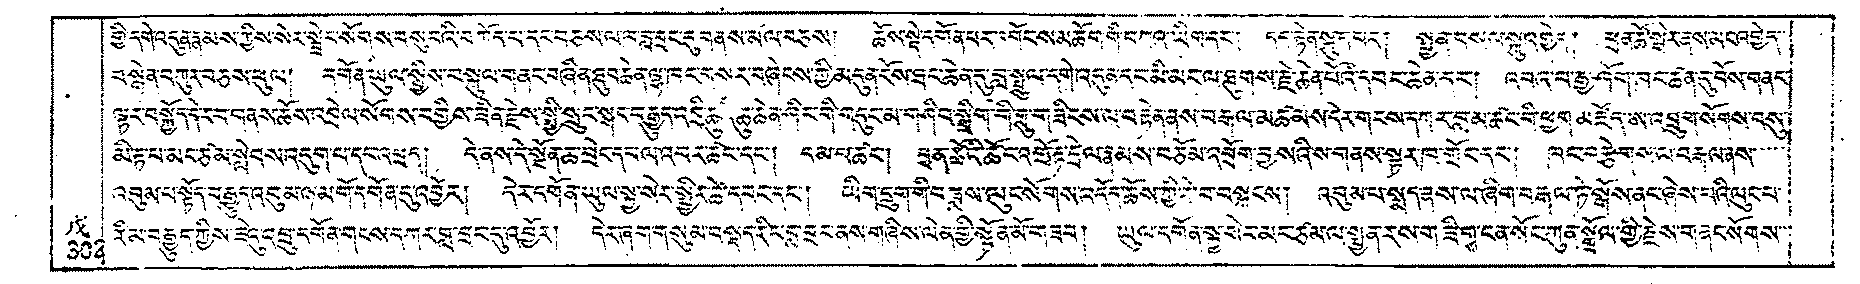གྱི་དགེ་འདུན་རྣམས་ཀྱིས་སེར་སྦྲེང་སོགས་བསུ་བའི་བཀོད་པ་དང་བཅས་ལ་ཁ་བླ་བྲང་དུ་གནས་མལ་བཅས། ཆོས་སྡེ་དགོན་པར་༧གོང་ས་མཆོག་གི་བཀའ་ཡིག་དང་། དད་རྟེན་སྐུ་དཔར། སྤྱན་བསལ་སྐུ་འགྱེད། ཕྲན་ཚོ་སྒེར་ནས་མང་འགྱེད་
བསྙེན་བཀུར་བཅས་ཕུལ། དགོན་ཡུལ་སྤྱིས་བསྐུལ་གནང་བཞིན་ཐུབ་ཆེན་ལྷ་ཁང་གསར་བཞེངས་ཀྱི་མདུན་ངོས་ཐང་ཆེན་དུ་བླ་སྤྲུལ་དགེ་འདུན་དང་མི་མང་ལ་ཐུགས་རྗེ་ཆེན་པོའི་དབང་ཆེན་དང་། འབའ་པ་རྒྱ་ཤོག་ཁང་ཚན་དུ་བོས་གནང་
ལྟར་བསྐྱོད་དེ་རབ་གནས་ཆོས་འབྲེལ་སོགས་བགྱིས་ཟིན་རྗེས་སྤྱི་སྲུང་སྒང་བརྒྱུད་འབྲི་ཆུའི་ཆུ་ཆེན་ཤིང་གི་གདུང་མ་གཤིབ་སྒྲིག་གི་གྲུ་གཟིངས་ལ་བརྟེན་ནས་བརྒལ་མཚམས་དེར་གངས་དཀར་བླ་མ་ཚང་གི་ཕྱག་མཛོད་ཨ་འབྲུག་སོགས་བསུ་
མི་རྟ་པ་མང་ཙམ་སླེབས་འདུག་པ་དང་འཕྲད། དེ་ནས་དེ་སྔོན་ཆ་ཕྲེང་དཔལ་འབར་ཚང་དང་། དམ་པ་ཚང་། ཕྲན་ཚོའི་ཚོང་འགྲོ་རྟ་དྲེལ་རྣམས་བཅོམ་འཕྲོག་བྱ་སའི་ས་གནས་སྟར་ཁ་གྲོང་དང་། ཁང་བརྩེགས་ལ་བརྒལ་ནས་
འབུམ་པ་སྟོད་བརྒྱུད་འབུམ་ཉ་མ་གོ་དགོན་དུ་འབྱོར། དེར་དགོན་ཡུལ་སྐྱ་སེར་སྤྱིར་ཚེ་དབང་དང་། ཡིག་དྲུག་གི་བཟླས་ལུང་སོགས་འདོད་ཆོས་ཀྱི་རེ་བ་བསྐངས། འབུམ་པ་སྨད་ནས་ལ་ཞིག་བརྒལ་ཏེ་སྒོས་ནང་ཞེས་པའི་ལུང་པ་
རིམ་བརྒྱུད་ཀྱིས་ཟེའུ་འབྲུ་དགོན་གངས་དཀར་བླ་བྲང་དུ་འབྱོར། དེར་ཞག་གསུམ་བསྡད་རིང་བླ་བྲང་ནས་གཞིས་ལེན་གྱི་སྟོན་མོ་གཟབ། ཡུལ་དགོན་སྐྱ་སེར་མང་ཙམ་ལ་སྤྱན་རས་གཟིགས་ངན་སོང་ཀུན་སྒྲོལ་གྱི་རྗེས་གནང་སོགས་